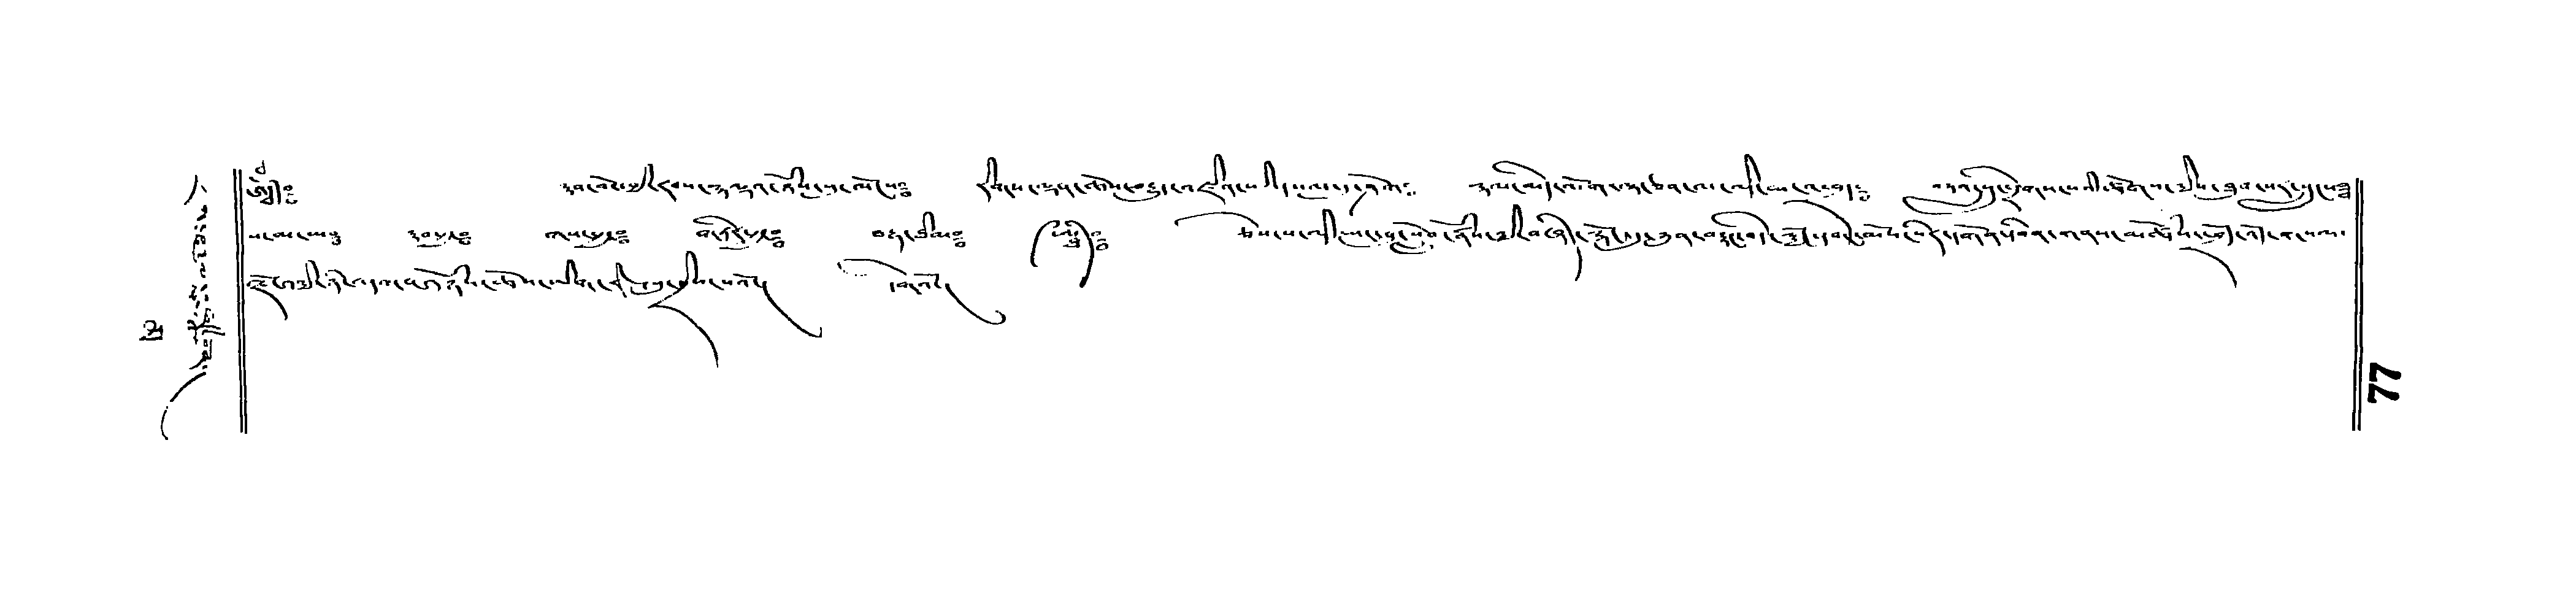ཟབ་བོ་ཕྱི་རབས་སྐལ་ལྡན་ཉམས་སུ་ལོངས༔ རིགས་ལྡན་ཆོས་བརྒྱུད་འཛིན་པའི་དཔལ་དུ་ཤོག༔ སྐལ་མེད་ལོག་ལྟ་ཅན་ལ་འདི་མ་འཕྲད༔ བཀའ་སྲུང་དྲེགས་པའི་ཚོགས་ཀྱིས་ཐུབ་པར་སྲུངས༔ 
ས་མ་ཡ༔ ཟབ་རྒྱ༔ གསང་རྒྱ༔ གཏེར་རྒྱ༔ བརྡ་ཐིམ༔ ༔ ཅེས་པ་འདི་ཡང་བུ་སློབ་རྣམས་ཀྱི་བཞེད་སྐོང་དུ་ཀུན་བཟང་བདེ་སྐྱོང་དབང་མོས་སེར་དགོན་དབེན་གནས་མཚམས་ཁྲོད་འོད་གསལ་
ལྗོངས་ཀྱི་ཉེ་འདབས་ནས་ཉམས་ཆོས་ཡིག་རིས་སུ་བྲིས་པའོ།། དགེའོ།།